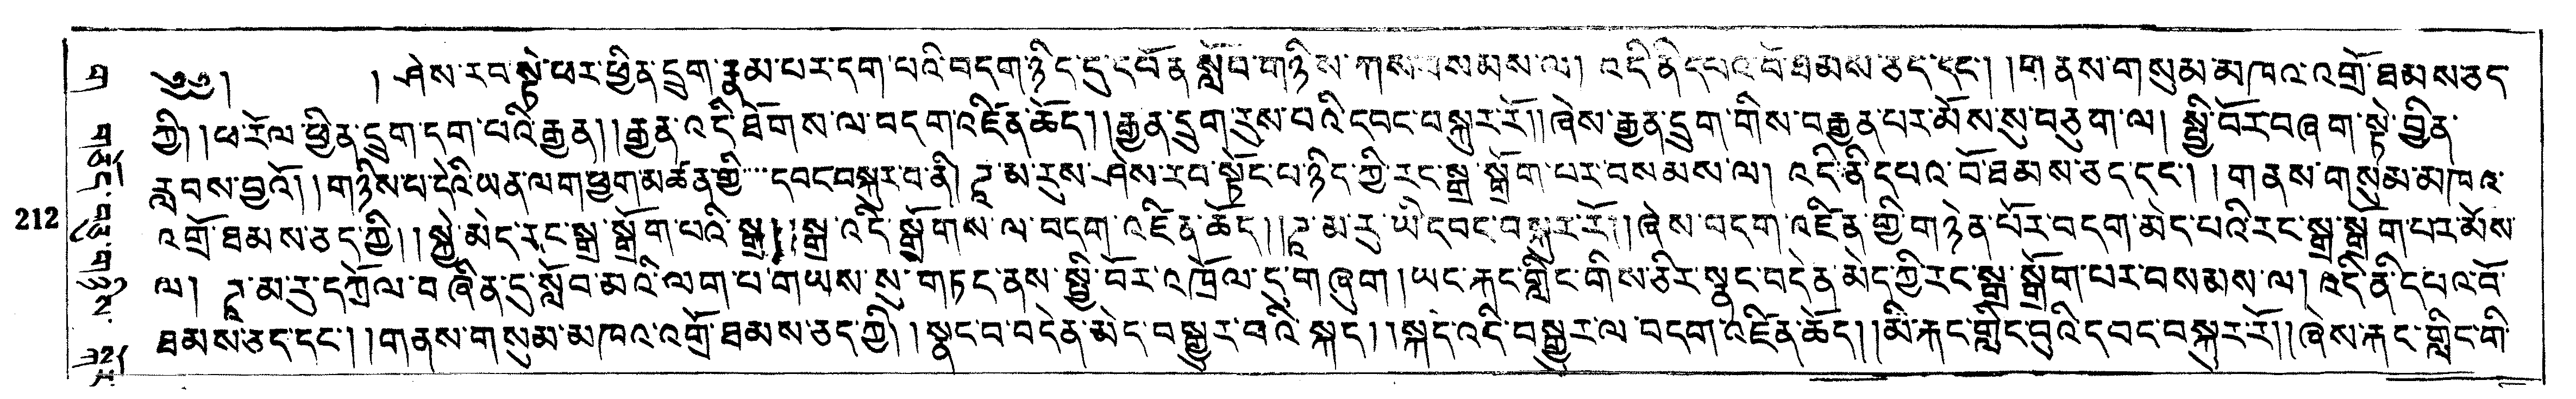༄༅། །ཤེས་རབ་སྟེ་ཕར་ཕྱིན་དྲུག་རྣམ་པར་དག་པའི་བདག་ཉིད་དུ་དཔོན་སློབ་གཉིས་ཀས་བསམས་ལ། འདི་ནི་དཔའ་བོ་ཐམས་ཅད་དང་། །གནས་གསུམ་མཁའ་འགྲོ་ཐམས་ཅད་
ཀྱི། །ཕ་རོལ་ཕྱིན་དྲུག་དག་པའི་རྒྱན། །རྒྱན་འདི་ཐོགས་ལ་བདག་འཛིན་ཆོད། །རྒྱན་དྲུག་རུས་པའི་དབང་བསྐུར་རོ། །ཞེས་རྒྱན་དྲུག་གིས་བརྒྱན་པར་མོས་སུ་བཅུག་ལ། སྤྱི་བོར་བཞག་སྟེ་བྱིན་
རླབས་བྱའོ། །གཉིས་པ་དེའི་ཡན་ལག་ཕྱག་མཚན་གྱི་དབང་བསྐུར་བ་ནི། ཌཱ་མ་རུས་ཤེས་རབ་སྟོང་པ་ཉིད་ཀྱི་རང་སྒྲ་སྒྲོག་པར་བསམས་ལ། འདི་ནི་དཔའ་བོ་ཐམས་ཅད་དང་། །གནས་གསུམ་མཁའ་
འགྲོ་ཐམས་ཅད་ཀྱི། །སྐྱེ་མེད་རང་སྒྲ་སྒྲོག་པའི་སྒྲ། །སྒྲ་འདི་སྒྲོགས་ལ་བདག་འཛིན་ཆོད། །ཌཱ་མ་རུ་ཡི་དབང་བསྐུར་རོ། །ཞེས་བདག་འཛིན་གྱི་གཉེན་པོར་བདག་མེད་པའི་རང་སྒྲ་སྒྲོག་པར་མོས་
ལ། ཌཱ་མ་རུ་དཀྲོལ་བཞིན་དུ་སློབ་མའི་ལག་པ་གཡས་སུ་གཏང་ནས་སྤྱི་བོར་འཁྲོལ་དུ་གཞུག །ཡང་རྐང་གླིང་གིས་ཅིར་སྣང་བདེན་མེད་ཀྱི་རང་སྒྲ་སྒྲོག་པར་བསམས་ལ། འདི་ནི་དཔའ་བོ་
ཐམས་ཅད་དང་། །གནས་གསུམ་མཁའ་འགྲོ་ཐམས་ཅད་ཀྱི། །སྣང་བ་བདེན་མེད་བསྒྱུར་བའི་སྐད། །སྐད་འདི་བསྒྱུར་ལ་བདག་འཛིན་ཆོད། །མི་རྐང་གླིང་བུའི་དབང་བསྐུར་རོ། །ཞེས་རྐང་གླིང་གི་